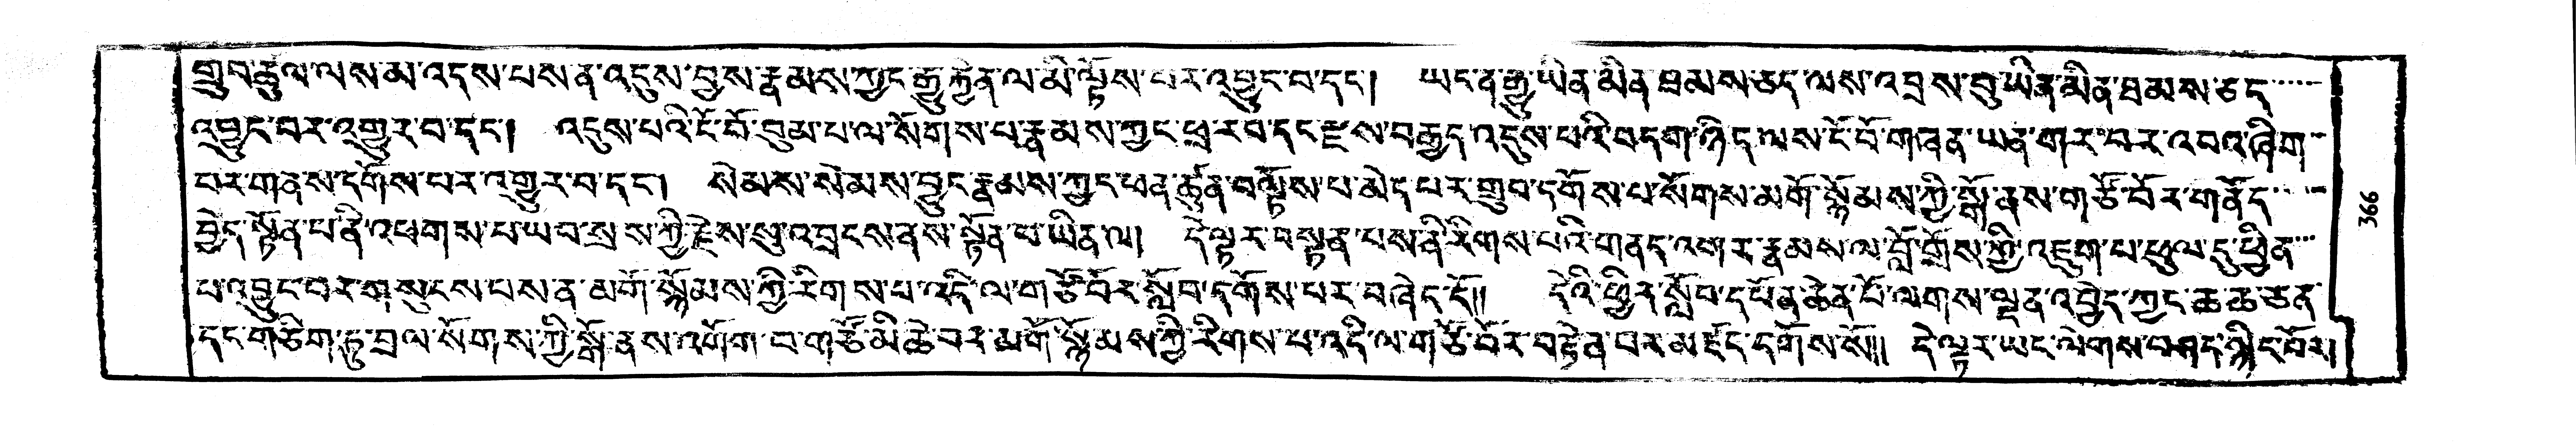གྲུབ་ཚུལ་ལས་མ་འདས་པས་ན་འདུས་བྱས་རྣམས་ཀྱང་རྒྱུ་རྐྱེན་ལ་མི་ལྟོས་པར་འབྱུང་བ་དང་། ཡང་ན་རྒྱུ་ཡིན་མིན་ཐམས་ཅད་ལས་འབྲས་བུ་ཡིན་མིན་ཐམས་ཅད་
འབྱུང་བར་འགྱུར་བ་དང་། འདུས་པའི་ངོ་བོ་བུམ་པ་ལ་སོགས་པ་རྣམས་ཀྱང་ཕྲ་རབ་དང་རྫས་བརྒྱད་འདུས་པའི་བདག་ཉིད་ལས་ངོ་བོ་གཞན་ཡན་གར་བར་འབའ་ཞིག་
པར་གནས་དགོས་པར་འགྱུར་བ་དང་། སེམས་སེམས་བྱུང་རྣམས་ཀྱང་ཕན་ཚུན་བལྟོས་པ་མེད་པར་གྲུབ་དགོས་པ་སོགས་མགོ་སྙོམས་ཀྱི་སྒོ་ནས་གཙོ་བོར་གནོད་
བྱེད་སྟོན་པ་ནི་འཕགས་པ་ཡབ་སྲས་ཀྱི་རྗེས་སུ་འབྲངས་ནས་སྟོན་པ་ཡིན་ལ། དེ་ལྟར་བསྟན་པས་ནི་རིགས་པའི་གནད་འགར་རྣམས་ལ་བློ་གྲོས་ཀྱི་འཇུག་པ་ཕུལ་དུ་ཕྱིན་
པ་འབྱུང་བར་གསུངས་པས་ན་མགོ་སྙོམས་ཀྱི་རིགས་པ་འདི་ལ་གཙོ་བོར་སློབ་དགོས་པར་བཞེད་དོ། །དེའི་ཕྱིར་སློབ་དཔོན་ཆེན་པོ་ལགས་ལྡན་འབྱེད་ཀྱང་ཆ་ཆ་ཅན་
དང་གཅིག་ཏུ་བྲལ་སོགས་ཀྱི་སྒོ་ནས་འགོག་པ་གཙོ་མི་ཆེ་བར་མགོ་སྙོམས་ཀྱི་རིགས་པ་འདི་ལ་གཙོ་བོར་བརྟེན་པར་མཛད་དགོས་སོ། ། དེ་ལྟར་ཡང་ལེགས་བཤད་སྙིང་པོར།